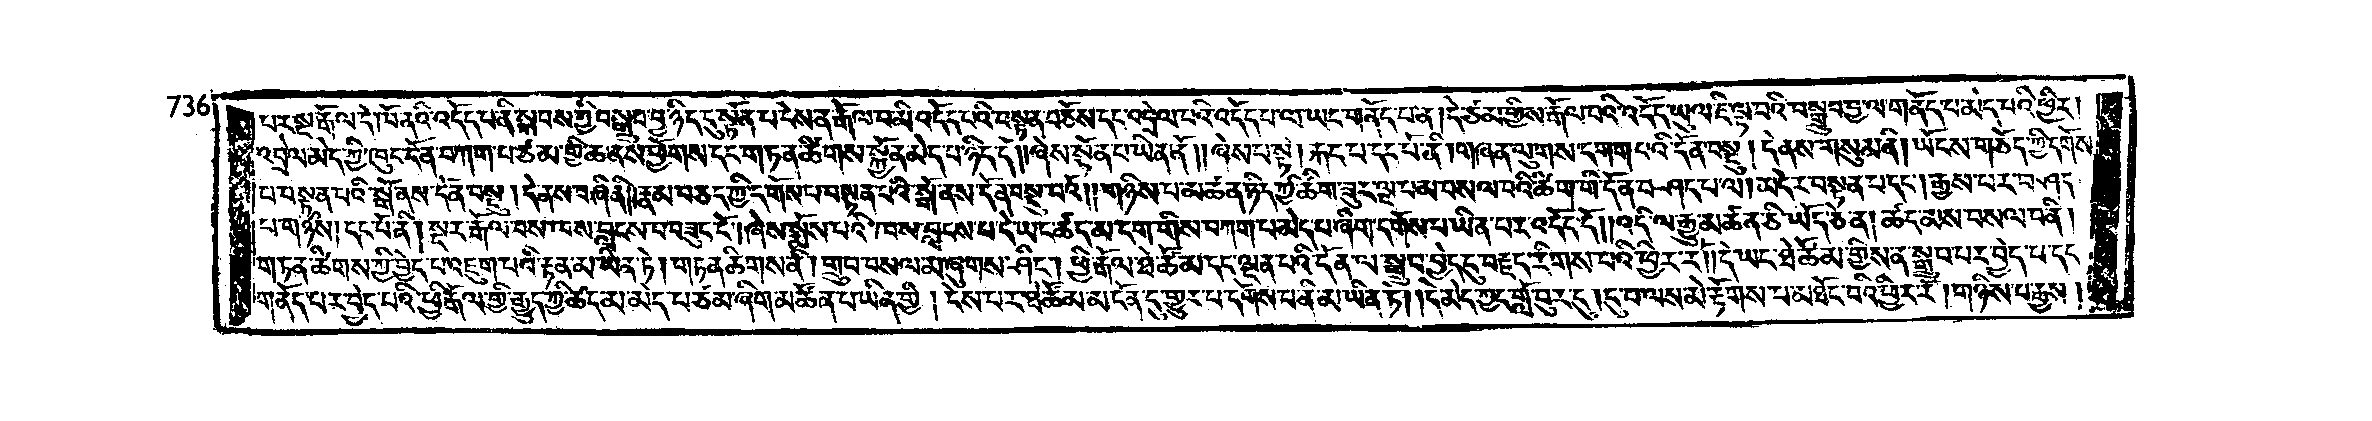པར་སྔ་རྒོལ་དེ་ཁོ་ནའི་འདོད་པ་ནི་སྐབས་ཀྱི་བསྒྲུབ་བྱ་ཉིད་དུ་སྟོན་པ་ངེས་ན་རྒོལ་བ་མི་འདོད་པའི་བསྟན་བཅོས་དང་འབྲེལ་བའི་འདོད་པ་ལ་ཡང་གནོད་པ་ན། དེ་ཙམ་གྱིས་རྒོལ་བའི་འདོད་ཡུལ་ཇི་ལྟ་བའི་བསྒྲུབ་བྱ་ལ་གནོད་པ་མེད་པའི་ཕྱིར།
འབྲེལ་མེད་ཀྱི་ཁུང་དོན་བཀག་པ་ཙམ་གྱི་ཆ་ནས་ཕྱོགས་དང་གཏན་ཚིགས་སྐྱོན་མེད་པ་ཉིད་དོ། །ཞེས་སྟོན་པ་ཡིན་ནོ། །ཞེས་པ་སྟེ། རྐང་པ་དང་པོ་ནི། གཞན་ལུགས་དགག་པའི་དོན་བསྡུ། དེ་ནས་གསུམ་ནི། ཡོངས་གཅོད་ཀྱི་དགོས་
པ་བསྟན་པའི་སྒོ་ནས་དོན་བསྡུ། དེ་ནས་བཞི་ནི། །རྣམ་བཅད་ཀྱི་དགོས་པ་བསྟན་པའི་སྒོ་ནས་དོན་བསྡུ་པའོ། །གཉིས་པ་མཚན་ཉིད་ཀྱི་ཚིག་ཟུར་ལྔ་བ་མ་བསལ་བའི་ཚིག་གི་དོན་བཤད་པ་ལ། མདོར་བསྟན་པ་དང་། རྒྱས་པར་བཤད་
པ་གཉིས། དང་པོ་ནི། སྔར་རྒོལ་བས་ཁས་བླངས་བ་བཟུང་ངོ། ཞེས་སྨོས་པའི་ཁས་བླངས་པ་དེ་ཡང་ཚད་མ་དག་གིས་བཀག་པ་མེད་པ་ཞིག་དགོས་པ་ཡིན་པར་འདོད་དོ། །འདི་ལ་རྒྱུ་མཚན་ཅི་ཡོད་ཅེ་ན། ཚད་མས་བསལ་བ་ནི།
གཏན་ཚིགས་ཀྱི་བྱེད་པ་འཇུག་པའི་རྟན་མ་ཡིན་ཏེ། གཏན་ཚིགས་ནི། གྲུབ་བསལ་མ་ཞུགས་ཤིང་། ཕྱི་རྒོལ་ཐེ་ཚོམ་དང་ལྡན་པའི་དོན་ལ་སྒྲུབ་བྱེད་དུ་བརྗོད་རིགས་པའི་ཕྱིར་རོ། །དེ་ཡང་ཐེ་ཚོམ་གྱིས་ན་སྒྲུབ་པར་བྱེད་པ་དང་
གནོད་པར་བྱེད་པའི་ཕྱི་རྒོལ་གྱི་རྒྱུད་ཀྱི་ཚད་མ་མེད་པ་ཙམ་ཞིག་མཚོན་པ་ཡིན་གྱི། ངེས་པར་ཐེ་ཚོམ་མངོན་དུ་གྱུར་པ་དགོས་པ་ནི་མ་ཡིན་ཏེ། དེ་མེད་ཀྱང་གློ་བུར་དུ། དུ་བ་ལས་མེ་རྟོགས་པ་མཐོང་བའི་ཕྱིར་རོ། །གཉིས་པ་རྒྱས།